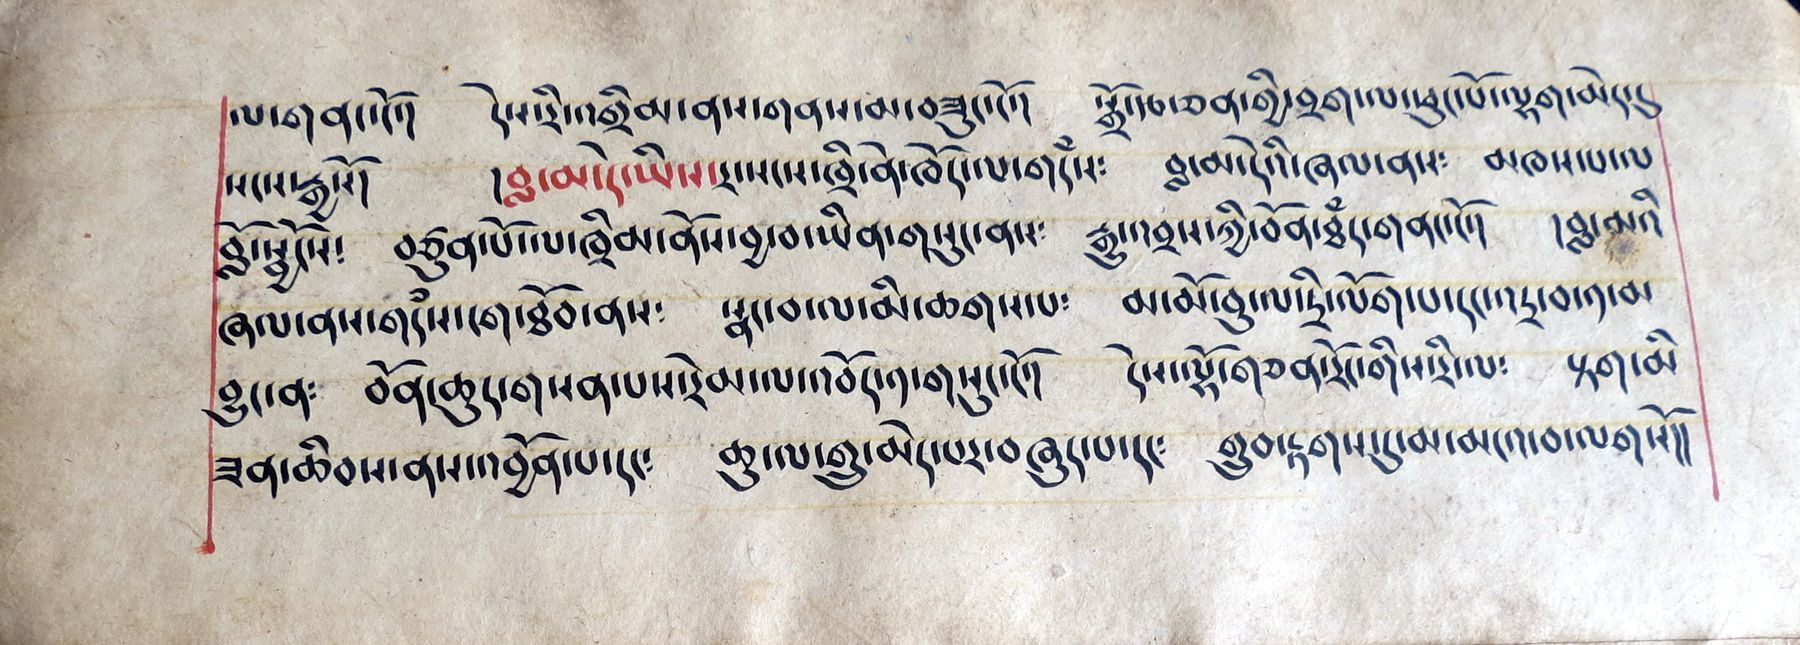ལ་གནང་ངོ་། དེས་རི་འགྲིམས་ནས། གནས་མ་བཟུང་པར་སྒྲོ་རྩ་ཅན་གྱི་བྲག་ལ་བསྒོམས་པས། ཕུང་པོ་ལྷག་མེད་དུ་
སངས་རྒྱས་སོ། །བླ་མ་དེ་ཡིས་ར་སངས་ཁྲིན་ནེ་ཁོད་ལ་གདམས། བླ་མ་དེའི་ཞལ་ནས། མཁས་པ་ལ་
བློ་སྦྱོང་། བཙུན་པོ་ལ་ཁྲིམས་མནོས་བྱ་བ་ཡིན་གསུངས་ནས། རྒྱུ་འབྲས་ཀྱི་བོན་ཐམས་ཅད་གནང་ངོ། །བླ་མའི་
ཞལ་ནས་གདམས་ངག་ཐོབ་ནས་ སྣང་བ་ལ་མི་ཆགས་པ། མ་མོ་བུ་ལ་དྲི་ལོག་པ་དང་འདྲ་བ་ཞིག་མ་
བྱུང་ན། བོན་ཆུད་གསན་པས་རེམས་ལ་འབོད་ཅིག་གསུངས་སོ། །དེས་ལྷོ་གཅན་འཕྲང་རོང་གི་རི་ལ། སྟག་མི་
གཟན་ཆིབས་ནས་འབྱོན་པ་དང་། ཆུ་ལ་གྲུ་མེད་པར་གཤེགས་པའམ། གྲུབ་རྟགས་དུ་མ་མངའ་བ་ལགས་སོ། །